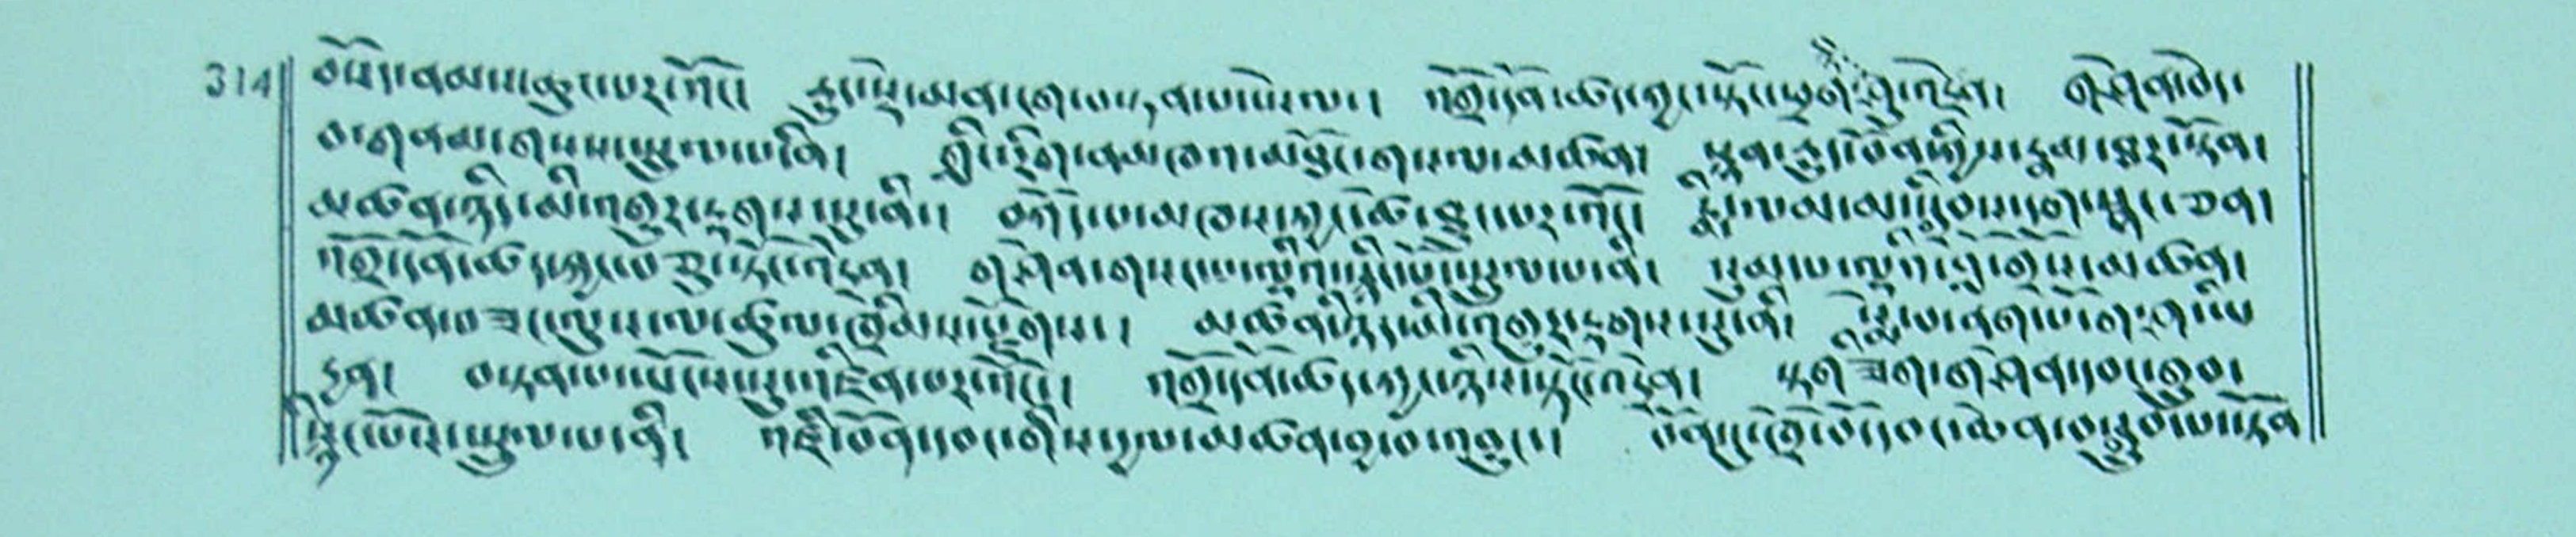བསོད་ནམས་ཆུང་པར་འོང་། རྒྱུད་སྡེ་མན་ངག་བསྟན་པ་སྤེལ། འགྲོ་དོན་ཚད་ཀྱང་སྟོང་ཕྲག་ཉི་ཤུ་འདྲེན། གཤེན་བདེ་
བ་གནམ་གསས་སྤྲུལ་པ་ནི། གླིང་རིགས་ནམ་མཁའ་མཐོང་གསལ་མཚན། སྙན་རྒྱུད་བོན་གྱི་རྣམ་ཐར་སྟོན། 
མཚན་ཉིད་མི་འགྱུར་རྟགས་སུ་ནི། བཀོད་པ་མཁས་ཀྱང་ཚེ་ཐུང་བར་འོང་། རྨི་ལམ་མ་བསྒྲིབ་དག་སྣང་ཅན།
 འགྲོ་དོན་ཚད་ཀྱང་བཅུ་སྟོང་འདྲེན། གཤེན་གསང་བ་ལྷ་ཡི་སྙིང་པོའི་སྤྲུལ་པ་ནི། སུམ་པ་ལྷ་ཡི་བློ་གྲོས་མཚན།
 མཚན་བཟང་ལུས་ལ་འདུལ་ཁྲིམས་རྫོགས། མཚན་ཉིད་མི་འགྱུར་རྟགས་སུ་ནི། སྨེ་བ་ནག་པོའི་ག་ཤ་ཡི་
བརྒྱན། བསྟན་པ་ཡོངས་སུ་འཛིན་བར་འོང་། འགྲོ་དོན་ཚད་ཀྱང་ཉིས་སྟོང་འདྲེན། སྟག་གཟིག་གཤེན་དབང་གྲུབ་
པའི་སྙིང་པོ་སྤྲུལ་པ་ནི། འཛི་བོན་དབང་གིས་རྒྱལ་མཚན་བྱ་བ་འབྱུང་། བོན་དུ་ཁྲོ་བོ་དབང་ཆེན་བསྒྲུབ་པ་སྟོན།